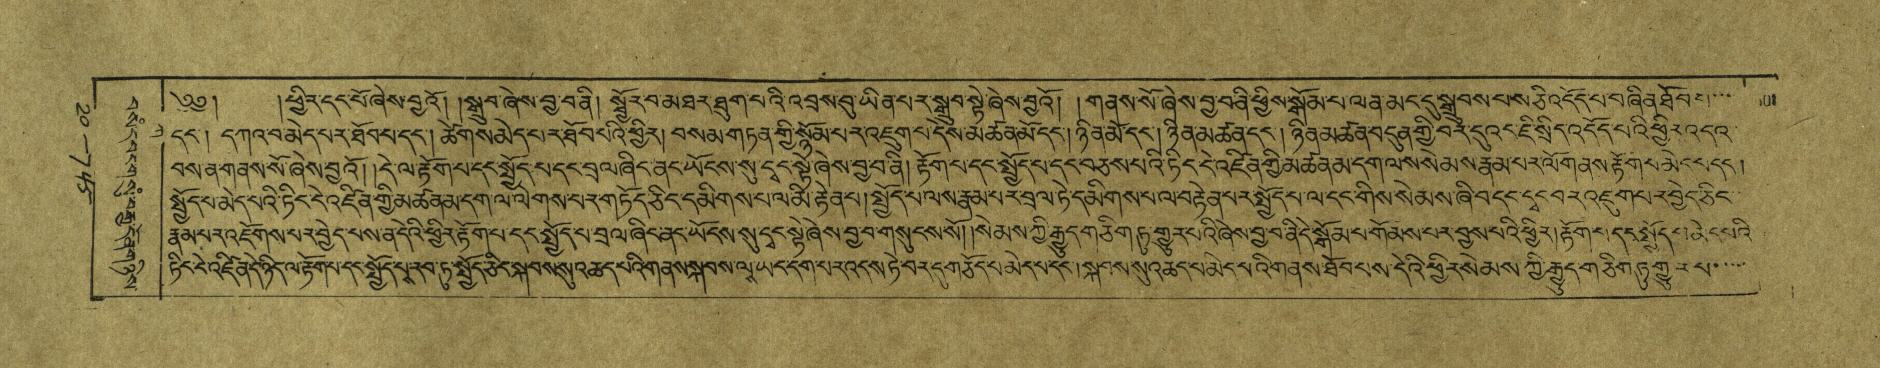༄༅། །ཕྱིར་དང་པོ་ཞེས་བྱའོ། །སྒྲུབ་ཞེས་བྱ་བ་ནི། སྦྱོར་བ་མཐར་ཐུག་པའི་འབྲས་བུ་ཡིན་པར་སྒྲུབ་སྟེ་ཞེས་བྱའོ། །གནས་སོ་ཞེས་བྱ་བ་ནི་ཕྱིས་སྒོམ་པ་ལན་མང་དུ་སྒྲུབས་པས་ཅི་འདོད་པ་བཞིན་ཐོབ་པ་
དང་། དཀའ་བ་མེད་པར་ཐོབ་པ་དང་། ཚེགས་མེད་པར་ཐོབ་པའི་ཕྱིར། བསམ་གཏན་གྱི་སྙོམ་པར་འཇུག་པ་དེས་མཚན་མོ་དང་། ཉིན་མོ་དང་། ཉིན་མཚན་དང་། ཉིན་མཚན་བདུན་གྱི་བར་དུའང་ཇི་སྲིད་འདོད་པའི་ཕྱིར་འདའ་
ཕ༹བས་ན་གནས་སོ་ཞེས་བྱའོ། །དེ་ལ་རྟོག་པ་དང་སྤྱོད་པ་དང་བྲལ་ཞིང་ནང་ཡོངས་སུ་དྲྭང་སྟེ་ཞེས་བྱ་བ་ནི། རྟོག་པ་དང་སྤྱོད་པ་དང་བཅས་པའི་ཏིང་ངེ་འཛིན་གྱི་མཚན་མ་དག་ལས་སེམས་རྣམ་པར་ལོག་ནས་རྟོག་པ་མེད་པ་དང་།
སྤྱོད་པ་མེད་པའི་ཏིང་ངེ་འཛིན་གྱི་མཚན་མ་དག་ལ་ལེགས་པར་གཏོད་ཅིང་དམིགས་པ་ལ་མི་རྟེན་པ། སྤྱོད་པ་ལས་རྣམས་པར་བྲལ་ཏེ་དམིགས་པ་ལ་བརྟེན་པར་སྤྱོད་པ་ལ་དང་གིས་སེམས་ཞི་བ་དང་དྭང་བར་འཇུག་པར་བྱེད་ཅིང་
རྣམ་པར་འཇོགས་པར་བྱེད་པས་ན་དེའི་ཕྱིར་རྟོག་པ་དང་སྤྱོད་པ་བྲལ་ཞིང་ནང་ཡོངས་སུ་དྭང་སྟེ་ཞེས་བྱ་བ་གསུངས་སོ། །སེམས་ཀྱི་རྒྱུད་གཅིག་ཏུ་གྱུར་པའི་ཞེས་བྱ་བ་ནི་དེ་སྒོམ་པ་གོམས་པར་བྱས་པའི་ཕྱིར། རྟོག་པ་དང་སྤྱོད་པ་མེད་པའི་
ཏིང་ངེ་འཛིན་དེ་ཉིད་ལ་རྟོག་པ་དང་སྤྱོད་པས་རབ་ཏུ་སྤྱོད་ཅིང་སྐབས་སུ་འཆད་པའི་གནས་སྐབས་ལས་ཡང་དག་པར་འདས་ཏེ་བར་དུ་གཅོད་པ་མེད་པ་དང་། སྐབས་སུ་འཆད་པ་མེད་པའི་གནས་ཐོབ་པས་དེའི་ཕྱིར་སེམས་ཀྱི་རྒྱུད་གཅིག་ཏུ་གྱུར་པ་